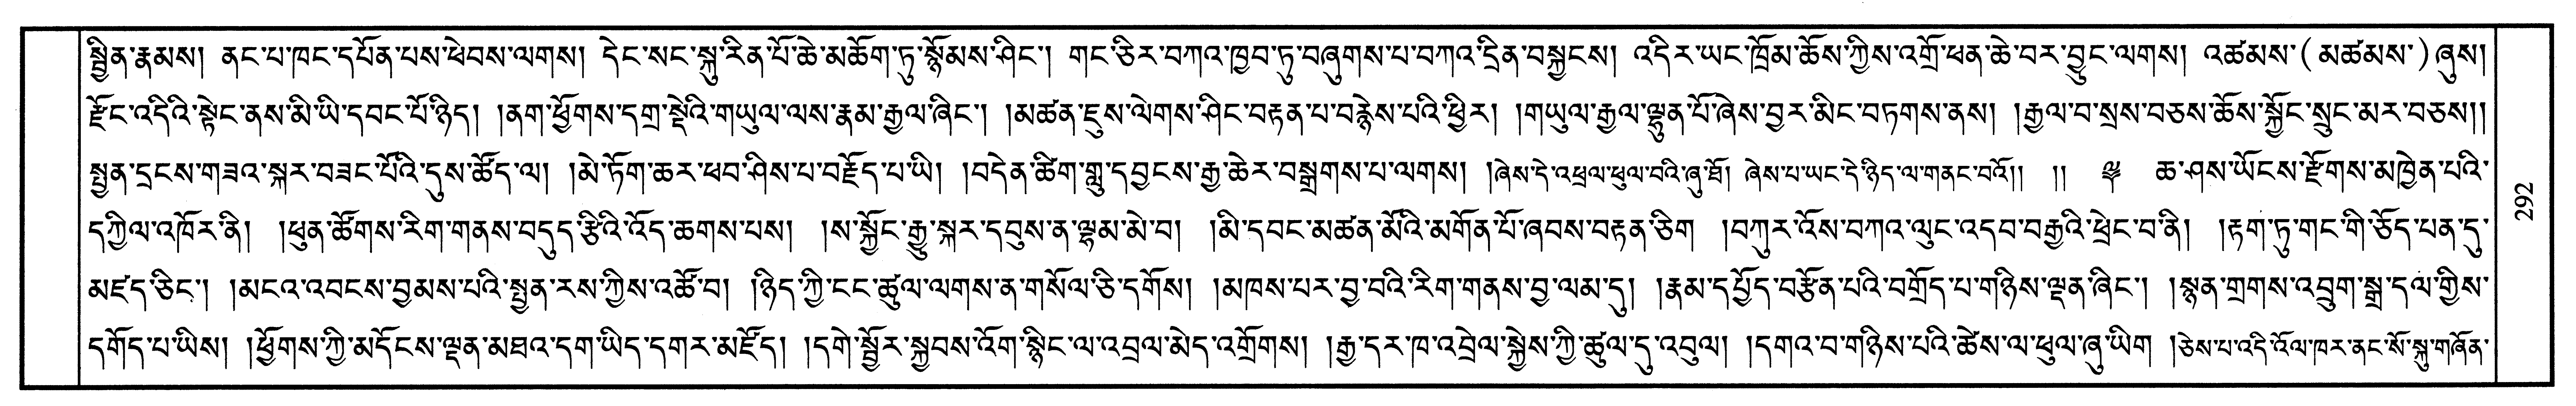སྦྱིན་རྣམས། ནང་པ་ཁང་དཔོན་པས་ཕེབས་ལགས། དེང་སང་སྐུ་རིན་པོ་ཆེ་མཆོག་ཏུ་སྙོམས་ཤིང་། གང་ཅིར་བཀའ་ཁྱབ་ཏུ་བཞུགས་པ་བཀའ་དྲིན་བསྐྱངས། འདིར་ཡང་ཁྲོམ་ཆོས་ཀྱིས་འགྲོ་ཕན་ཆེ་བར་བྱུང་ལགས། འཚམས་མཚམས་ཞུས།
རྫོང་འདིའི་སྟེང་ནས་མི་ཡི་དབང་པོ་ཉིད། །ནག་ཕྱོགས་དགྲ་སྡེའི་གཡུལ་ལས་རྣམ་རྒྱལ་ཞིང་། །མཚན་ཇུས་ལེགས་ཤིང་བརྟན་པ་བརྙེས་པའི་ཕྱིར། །གཡུལ་རྒྱལ་ལྷུན་པོ་ཞེས་བྱར་མིང་བཏགས་ནས། །རྒྱལ་བ་སྲས་བཅས་ཆོས་སྐྱོང་སྲུང་མར་བཅས།།
སྤྱན་དྲངས་གཟའ་སྐར་བཟང་པོའི་དུས་ཚོད་ལ། །མེ་ཏོག་ཆར་ཕབ་ཤིས་པ་བརྗོད་པ་ཡི། །བདེན་ཚིག་གླུ་དབྱངས་རྒྱ་ཆེར་བསྒྲགས་པ་ལགས། །ཞེས་དེ་འཕྲལ་ཕུལ་བའི་ཞུ་ཐོ། །ཞེས་པ་ཡང་དེ་ཉིད་ལ་གནང་བའོ།། །། ༈ ཆ་ཤས་ཡོངས་རྫོགས་མཁྱེན་པའི་
དཀྱིལ་འཁོར་ནི། །ཕུན་ཚོགས་རིག་གནས་བདུད་རྩིའི་འོད་ཆགས་ཕྲེང་བ་ནི། །རྟག་ཏུ་གང་གི་ཅོད་པན་དུ་མཛད་ཅིང་། །མངའ་མོའི་མགོན་པོ་ཞབས་བརྟན་ཅིག །བཀུར་འོས་བཀའ་ལུང་འདབ་བགྱའི་ཕྲེང་བ་ནི། །རྟག་ཏུ་གང་གི་ཅོད་པན་དུ་
མཛད་ཅིང་། །མངའ་འབངས་བྱམས་པའི་སྤྱན་རས་ཀྱིས་འཚོ་བ། །ཉིད་ཀྱི་ངང་ཚུལ་ལགས་ན་གསོལ་ཅི་དགོས། །མཁས་པར་བྱ་བའི་རིག་གནས་བྱ་ལམ་དུ། །རྣམ་དཔྱོད་བརྩོན་པའི་བགྲོད་པ་གཉིས་ལྡན་ཞིང་། །སྙན་གྲགས་འབྲུག་སྒྲ་དལ་གྱིས་
དགོད་པ་ཡིས། །ཕྱོགས་ཀྱི་མདོངས་ལྡན་མཐའ་དག་ཡིད་དགར་མཛོད། །དགེ་སྦྱོར་སྐྱབས་འོག་སྙིང་ལ་འབྲལ་མེད་འགྲོགས། །རྒྱ་དར་ཁ་འབྲེལ་སྐྱེས་ཀྱི་ཚུལ་དུ་འབུལ། །དགའ་བ་གཉིས་པའི་ཚེས་ལ་ཕུལ་ཞུ་ཡིག །ཅེས་པ་འདི་འོལ་ཁར་ནང་སོ་སྐུ་གཞོན་